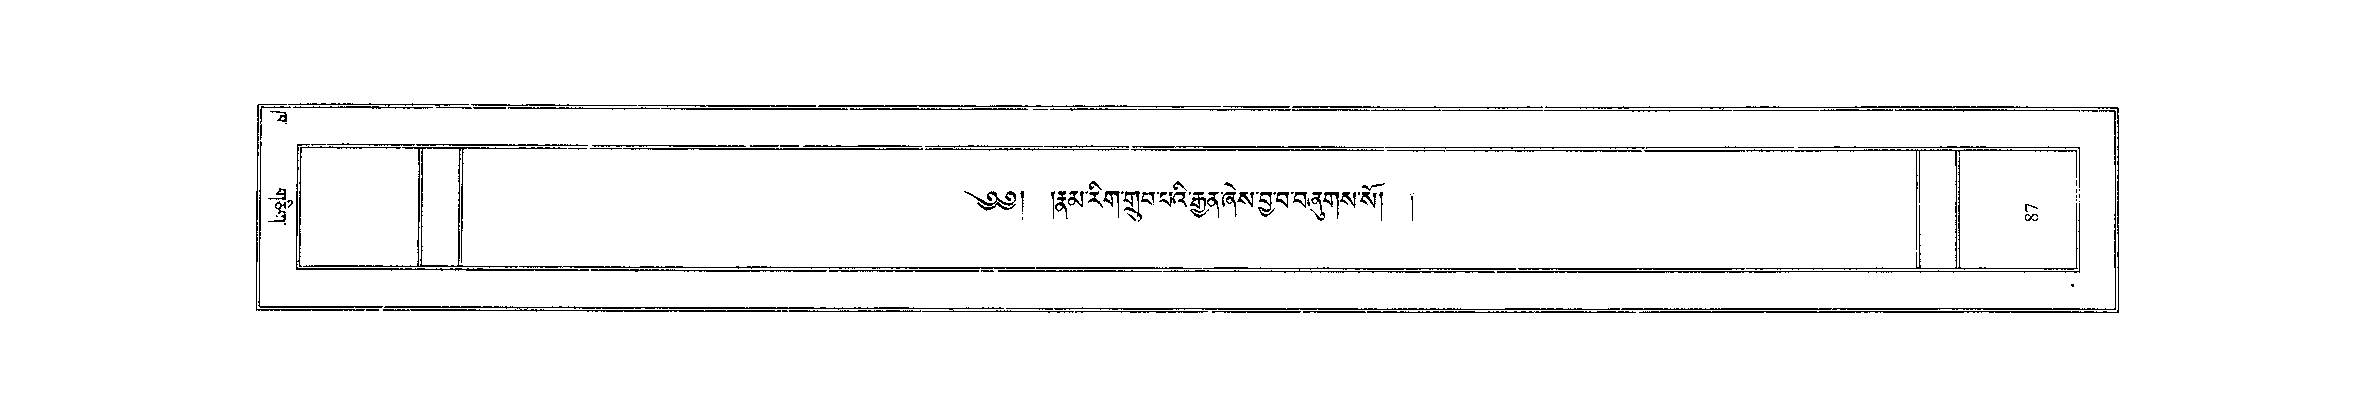༄༅། །རྣམ་རིག་གྲུབ་པའི་རྒྱན་ཞེས་བྱ་བ་བཞུགས་སོ། །